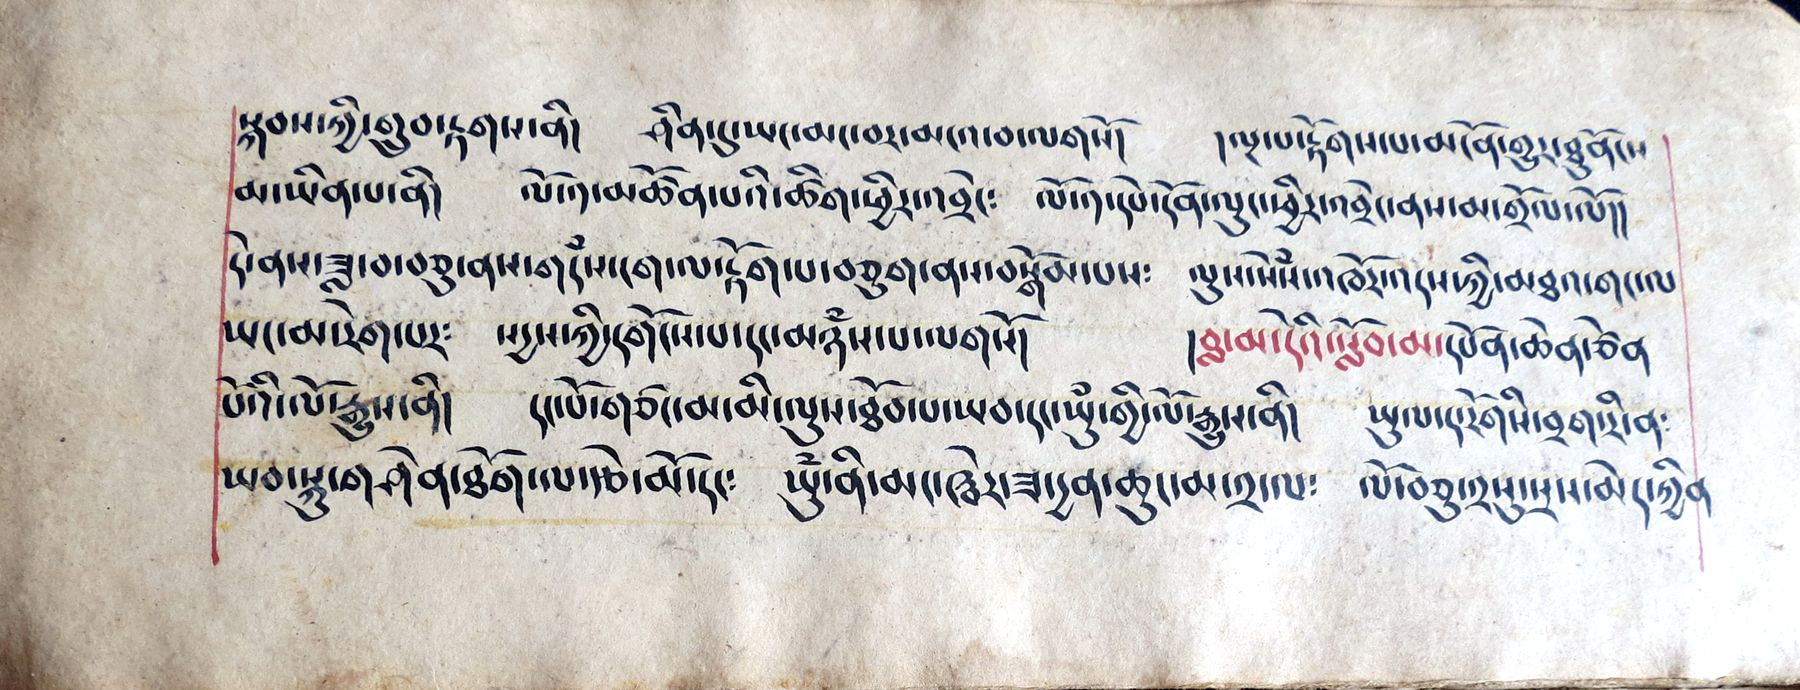སྐབས་ཀྱི་གྲུབ་རྟགས་ནི། ཤིན་ཏུ་ཡང་མང་བར་མངའ་བ་ལགས་སོ། །ལྔ་པ་རྟོགས་པ་མངོན་གྱུར་ཐུན་མོང་
མ་ཡིན་པ་ནི། ལོ་གཅིག་མཚོན་པའི་ཚིག་ཕྱིར་འབྲེང་། ལོ་གཅིག་དཔེ་དོན་ལུང་ཕྱིར་འབྲེང་ནས་མ་གྲོལ། 
དེ་ནས་ཟླ་བ་གཅིག་ལ་གདམས་ངག་ལ་རྟོགས་པ་བཅུག་ནས་བསྒོམ་པས། ལུས་སེམས་འཁོར་འདས་ཀྱི་མཐའ་གང་ལ་
ཡང་མ་རེག་པར། སངས་རྒྱས་ཀྱི་དགོངས་པ་དང་མཉམ་པ་ལགས་སོ། །བླ་མ་དེའི་སློབ་མ་དཔོན་ཆེན་བཙན་
པོའི་ལོ་རྒྱུས་ནི། དང་པོ་གཙང་མ་མི་ལུས་ཐོབ་པ་ཡབ་དང་ཡུམ་གྱི་ལོ་རྒྱུས་ནི། ཡུལ་ད་རོག་གི་བྲག་རི་ན། 
ཡབ་སྐུ་གཤེན་ཐོག་ལྷ་རྩེ་མོ་དང་། ཡུམ་ནི་མང་ཝེར་བཟའ་རྒྱན་ཆུང་མ་གཉིས་ལ། ལོ་བཅུ་གཉིས་སུ་སྲས་མེད་ཀྱིན་